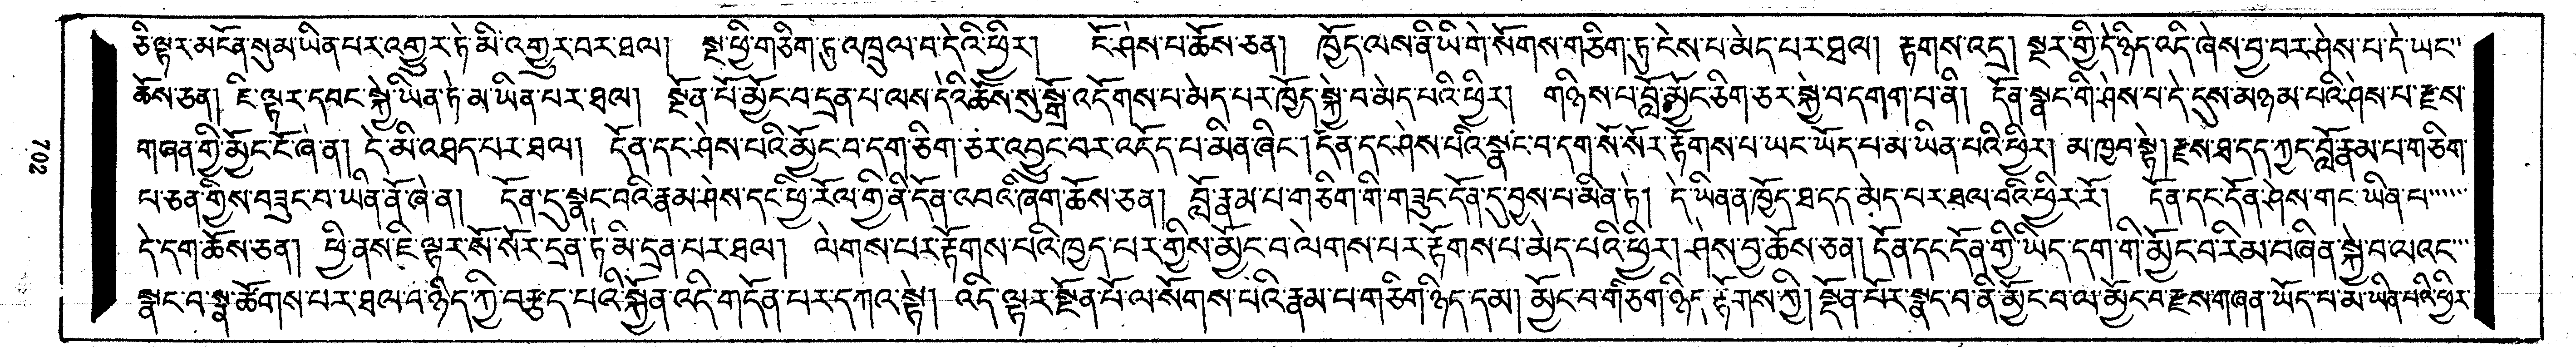ཅི་ལྟར་མངོན་སུམ་ཡིན་པར་འགྱུར་ཏེ་མི་འགྱུར་བར་ཐལ། སྔ་ཕྱི་གཅིག་ཏུ་འཁྲུལ་བ་དེའི་ཕྱིར། ངོ་ཤེས་པ་ཆོས་ཅན། ཁྱོད་ལས་ནི་ཡི་གེ་སོགས་གཅིག་ཏུ་ངེས་པ་མེད་པར་ཐལ། རྟགས་འདྲ། སྔར་གྱི་དེ་ཉིད་འདི་ཞེས་བྱ་བར་ཤེས་པ་དེ་ཡང་
ཆོས་ཅན། ཇི་ལྟར་དབང་སྐྱེ་ཡིན་ཏེ་མ་ཡིན་པར་ཐལ། སྔོན་པོ་མྱོང་བ་དྲན་པ་ལས་དེའི་ཆོས་སུ་སྒྲོ་འདོགས་པ་མེད་པར་ཁྱོད་སྐྱེ་བ་མེད་པའི་ཕྱིར། གཉིས་པ་བློ་མྱོང་ཅིག་ཅར་སྐྱེ་བ་དགག་པ་ནི། དོན་སྣང་གི་ཤེས་པ་དེ་དུས་མཉམ་པའི་ཤེས་པ་རྫས་
གཞན་གྱི་མྱོང་ངོ་ཞེ་ན། དེ་མི་འཐད་པར་ཐལ། དོན་དང་ཤེས་པའི་མྱོང་བ་དག་ཅིག་ཅར་འབྱུང་བར་འདོད་པ་མིན་ཞིང་། དོན་དང་ཤེས་པའི་སྣང་བ་དག་སོ་སོར་རྟོགས་པ་ཡང་ཡོད་པ་མ་ཡིན་པའི་ཕྱིར། མ་ཁྱབ་སྟེ། རྫས་ཐ་དད་ཀྱང་བློ་རྣམ་པ་གཅིག་
པ་ཅན་གྱིས་བཟུང་བ་ཡིན་ནོ་ཞེ་ན། དོན་དུ་སྣང་བའི་རྣམ་ཤེས་དང་ཕྱི་རོལ་གྱི་ནི་དོན་འབའ་ཞིག་ཆོས་ཅན། བློ་རྣམ་པ་གཅིག་གི་གཟུང་དོན་དུ་བྱས་པ་མིན་ཏེ། དེ་ཡིན་ན་ཁྱོད་ཐ་དད་མེད་པར་ཐལ་བའི་ཕྱིར་རོ། དོན་དང་དོན་ཤེས་གང་ཡིན་པ་
དེ་དག་ཆོས་ཅན། ཕྱི་ནས་ཇི་ལྟར་སོ་སོར་དྲན་ཏེ་མི་དྲན་པར་ཐལ། ལེགས་པར་རྟོགས་པའི་ཁྱད་པར་གྱིས་མྱོང་བ་ལེགས་པར་རྟོགས་པ་མེད་པའི་ཕྱིར། ཤེས་བྱ་ཆོས་ཅན། དོན་དང་དོན་གྱི་ཡིད་དག་གི་མྱོང་བ་རིམ་བཞིན་སྐྱེ་བ་ལའང་
སྣང་བ་སྣ་ཚོགས་པར་ཐལ་བ་ཉིད་ཀྱི་བརྩད་པའི་སྐྱོན་དཱི་གདོན་པར་དཀའ་སྟེ། དཱི་ལྟར་སྔོན་པོ་ལ་སོགས་པའི་རྣམ་པ་གཅིག་ཉིད་དམ། མྱོང་བ་གཅིག་ཉིད་རྟོགས་ཀྱི། སྔོན་པོར་སྣང་བ་ནི་མྱོང་བ་ལ་མྱོང་བ་རྫས་གཞན་ཡོད་པ་མ་ཡིན་པའི་ཕྱི་